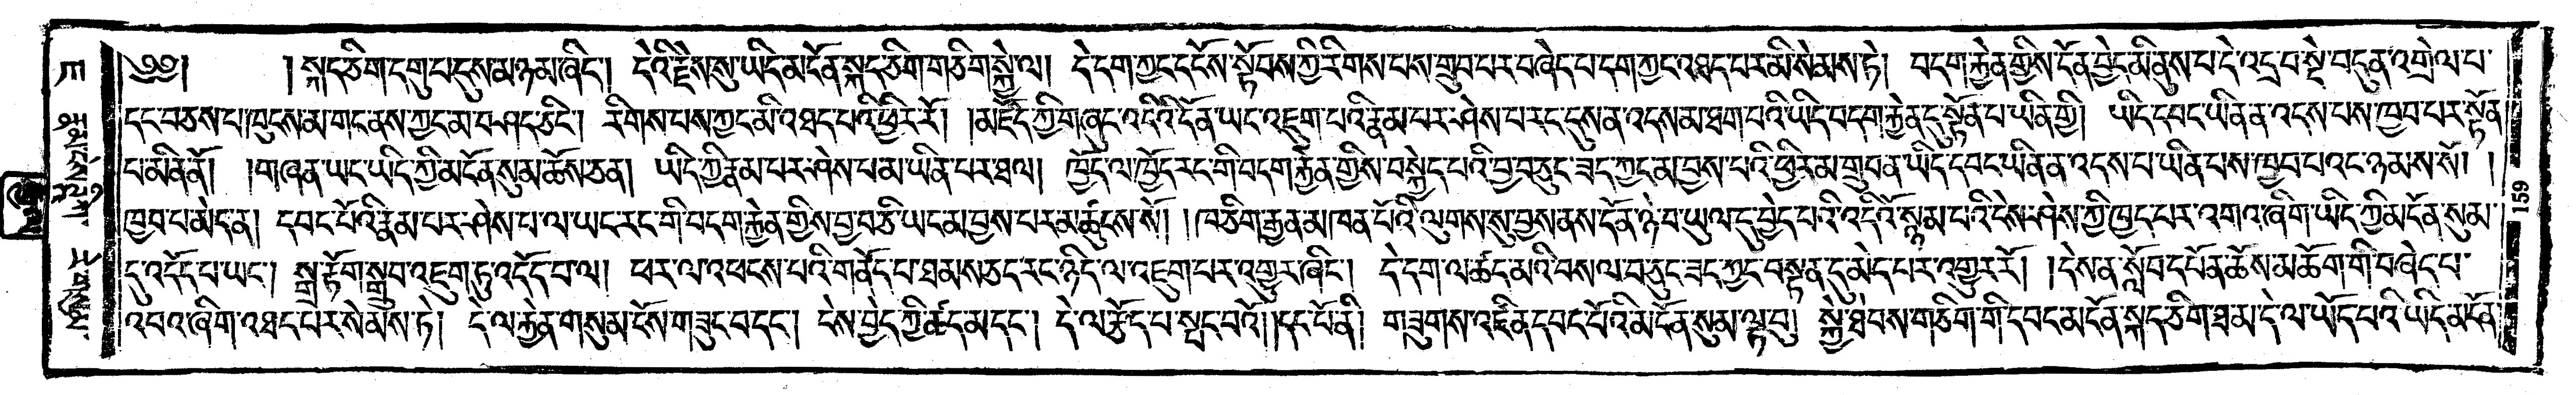༄༅། །སྐད་ཅིག་དགུ་པ་དུས་མཉམ་ཞིང་། དེའི་རྗེས་སུ་ཡིད་མངོན་སྐད་ཅིག་གཅིག་སྐྱེ་ལ། དེ་དག་ཀྱང་དངོས་སྟོབས་ཀྱི་རིགས་པས་གྲུབ་པར་བཞེད་པ་དག་ཀྱང་འཐད་པར་མི་སེམས་ཏེ། བདག་རྐྱེན་གྱིས་དོན་བྱེད་མི་ནུས་པ་དེ་འདྲ་བ་སྡེ་བདུན་འགྲེལ་པ་
དང་བཅས་པ་ཁུངས་མ་གང་ནས་ཀྱང་མ་བཤད་ཅིང་། རིགས་པས་ཀྱང་མི་འཐད་པའི་ཕྱིར་རོ། །མཛོད་ཀྱི་གཞུང་འདིའི་དོན་ཡང་འཇུག་པའི་རྣམ་པར་ཤེས་པ་རང་དུས་ན་འདས་མ་ཐག་པའི་ཡིད་བདག་རྐྱེན་དུ་སྟོན་པ་ཡིན་གྱི། ཡིད་དབང་ཡིན་ན་འདས་པས་ཁྱབ་པར་སྟོན་
པ་མིན་ནོ། །གཞན་ཡང་ཡིད་ཀྱི་མངོན་སུམ་ཆོས་ཅན། ཡིད་ཀྱི་རྣམ་པར་ཤེས་པ་མ་ཡིན་པར་ཐལ། ཁྱོད་ལ་ཁྱོད་རང་གི་བདག་རྐྱེན་གྱིས་བསྐྱེད་པའི་བྱ་བ་ཅུང་ཟད་ཀྱང་མ་བྱས་པའི་ཕྱིར་མ་གྲུབ་ན་ཡིད་དབང་ཡིན་ན་འདས་པ་ཡིན་པས་ཁྱབ་པའང་ཉམས་སོ། །
ཁྱབ་པ་མེད་ན། དབང་པོའི་རྣམ་པར་ཤེས་པ་ལ་ཡང་རང་གི་བདག་རྐྱེན་གྱིས་བྱ་བ་ཅི་ཡང་མ་བྱས་པར་མཚུངས་སོ། །ཁ་ཅིག་རྒྱན་མཁན་པོའི་ལུགས་སུ་བྱས་ནས་དོན་ཉེ་བ་ཡུལ་དུ་བྱེད་པའི་འདིའོ་སྙམ་པའི་ངེས་ཤེས་ཀྱི་ཁྱད་པར་འགའ་ཞིག་ཡིད་ཀྱི་མངོན་སུམ་
དུ་འདོད་པ་ཡང་། སྒྲ་རྟོག་སྒྲུབ་འཇུག་ཏུ་འདོད་པ་ལ། ཕར་ལ་འཕངས་པའི་གནོད་པ་ཐམས་ཅད་རང་ཉིད་ལ་འཇུག་པར་འགྱུར་ཞིང་། དེ་དག་ལ་ཚད་མའི་བསལ་བ་ཅུང་ཟད་ཀྱང་བསྟན་དུ་མེད་པར་འགྱུར་རོ། །དེས་ན་སློབ་དཔོན་ཆོས་མཆོག་གི་བཞེད་པ་
འབའ་ཞིག་འཐད་པར་སེམས་ཏེ། དེ་ལ་རྐྱེན་གསུམ་ངོས་གཟུང་བ་དང་། ངེས་བྱེད་ཀྱི་ཚད་མ་དང་། དེ་ལ་རྩོད་པ་སྤང་བའོ། །དང་པོ་ནི། གཟུགས་འཛིན་དབང་པོའི་མངོན་སུམ་ལྟ་བུ། སྐྱེ་ཐེབས་གཅིག་གི་དབང་མངོན་སྐད་ཅིག་ཐ་མ་དེ་ལ་ཡོད་པའི་ཡིད་མངོན་